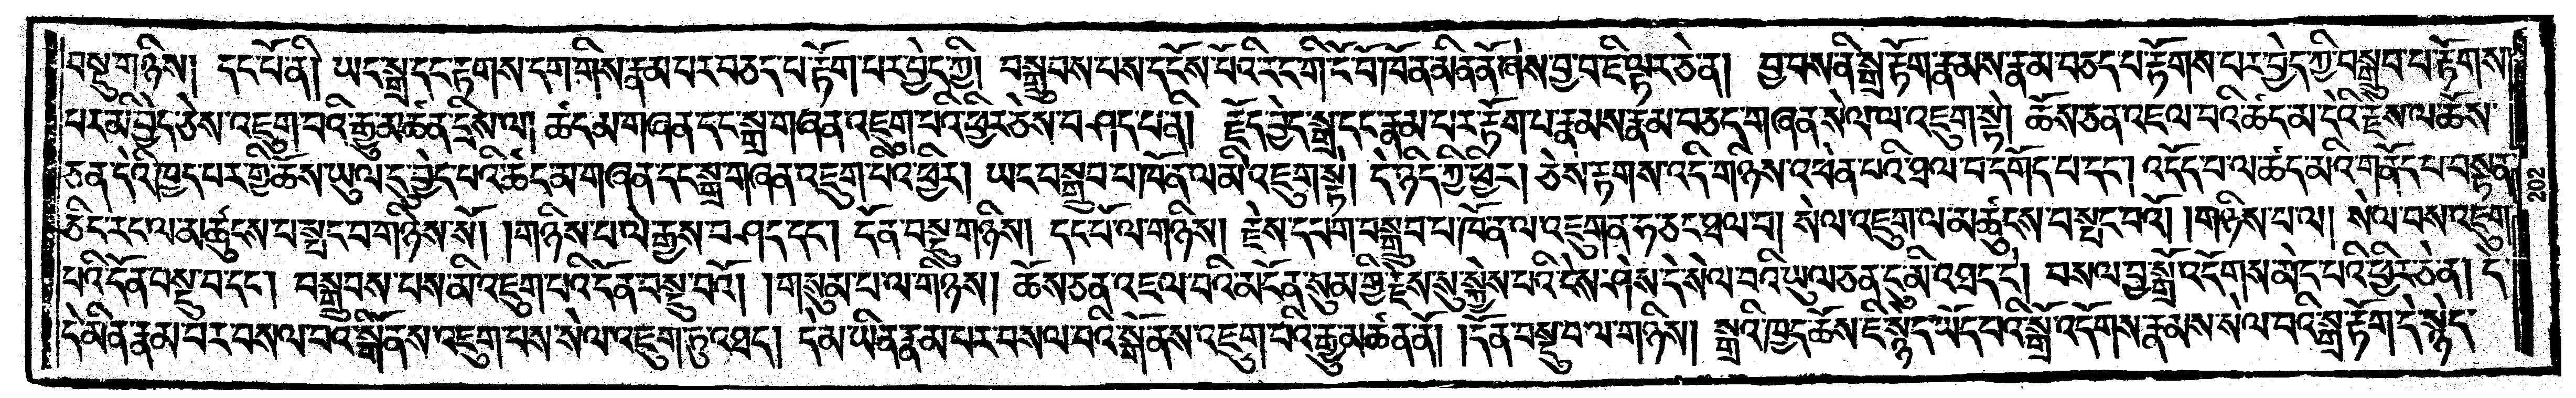བསྡུ་གཉིས། དང་པོ་ནི། ཡང་སྒྲ་དང་རྟགས་དག་གིས་རྣམ་པར་བཅད་པ་རྟོག་པར་བྱེད་ཀྱི། བསྒྲུབས་པས་དངོས་པོའི་རང་གི་ངོ་བོ་ཁོ་ན་མིན་ནོ་ཞེས་བྱ་བ་ཇི་ལྟར་ཅེ་ན། བྱ་བས་ནི་སྒྲ་རྟོག་རྣམས་རྣམ་བཅད་པ་རྟོགས་པར་བྱེད་ཀྱི་བསྒྲུབ་པ་རྟོགས་
པར་མི་བྱེད་ཅེས་འཇུག་པའི་རྒྱུ་མཚན་དྲིས་ལ། ཚད་མ་གཞན་དང་སྒྲ་གཞན་འཇུག་པའི་ཕྱིར་ཅེས་བཤད་པ་ནི། རྗོད་བྱེད་སྒྲ་དང་རྣམ་པར་རྟོག་པ་རྣམས་རྣམ་བཅད་གཞན་སེལ་ལ་འཇུག་སྟེ། ཆོས་ཅན་འཇལ་བའི་ཚད་མ་དེའི་རྗེས་ལ་ཆོས་
ཅན་དེའི་ཁྱད་པར་གྱི་ཆོས་ཡུལ་དུ་བྱེད་པའི་ཚད་མ་གཞན་དང་སྒྲ་གཞན་འཇུག་པའི་ཕྱིར། ཡང་བསྒྲུབ་པ་ཁོ་ན་ལ་མི་འཇུག་སྟེ། དེ་ཉིད་ཀྱི་ཕྱིར། ཅེས་རྟགས་འདི་གཉིས་འཕེན་པའི་ཐལ་བ་དགོད་པ་དང་། འདོད་པ་ལ་ཚད་མའི་གནོད་པ་བསྟན་
ཅིང་རང་ལ་མཚུངས་པ་སྤངས་པ་གཉིས་སོ། །གཉིས་པ་ལ་རྒྱས་བཤད་དང་། དོན་བསྡུ་གཉིས། དང་པོ་ལ་གཉིས། རྗེས་དཔག་བསྒྲུབ་པ་ཁོ་ན་ལ་འཇུག་ན་ཧ་ཅང་ཐལ་བ། སེལ་འཇུག་ལ་མཚུངས་པ་སྤང་བའོ། །གཉིས་པ་ལ། སེལ་བས་འཇུག་
པའི་དོན་བསྡུ་བ་དང་། བསྒྲུབས་པས་མི་འཇུག་པའི་དོན་བསྡུ་བའོ། །གསུམ་པ་ལ་གཉིས། ཆོས་ཅན་འཇལ་བའི་མངོན་སུམ་གྱི་རྗེས་སུ་སྐྱེས་པའི་ངེས་ཤེས་དེ་སེལ་བའི་ཡུལ་ཅན་དུ་མི་འཐད་དེ། བསལ་བྱ་སྒྲོ་འདོགས་མེད་པའི་ཕྱིར་ཅེ་ན། དེ་
དེ་མིན་རྣམ་པར་བསལ་བའི་སྒོ་ནས་འཇུག་པས་སེལ་འཇུག་ཏུ་འཐད། དེ་མ་ཡིན་རྣམ་པར་བསལ་བའི་སྒོ་ནས་འཇུག་པའི་རྒྱུ་མཚན་ནོ། །དོན་བསྡུ་བ་ལ་གཉིས། སྒྲའི་ཁྱད་ཆོས་ཇི་སྙེད་ཡོད་པའི་སྒྲོ་འདོགས་རྣམས་སེལ་བའི་སྒྲ་རྟོག་དེ་སྙེད་